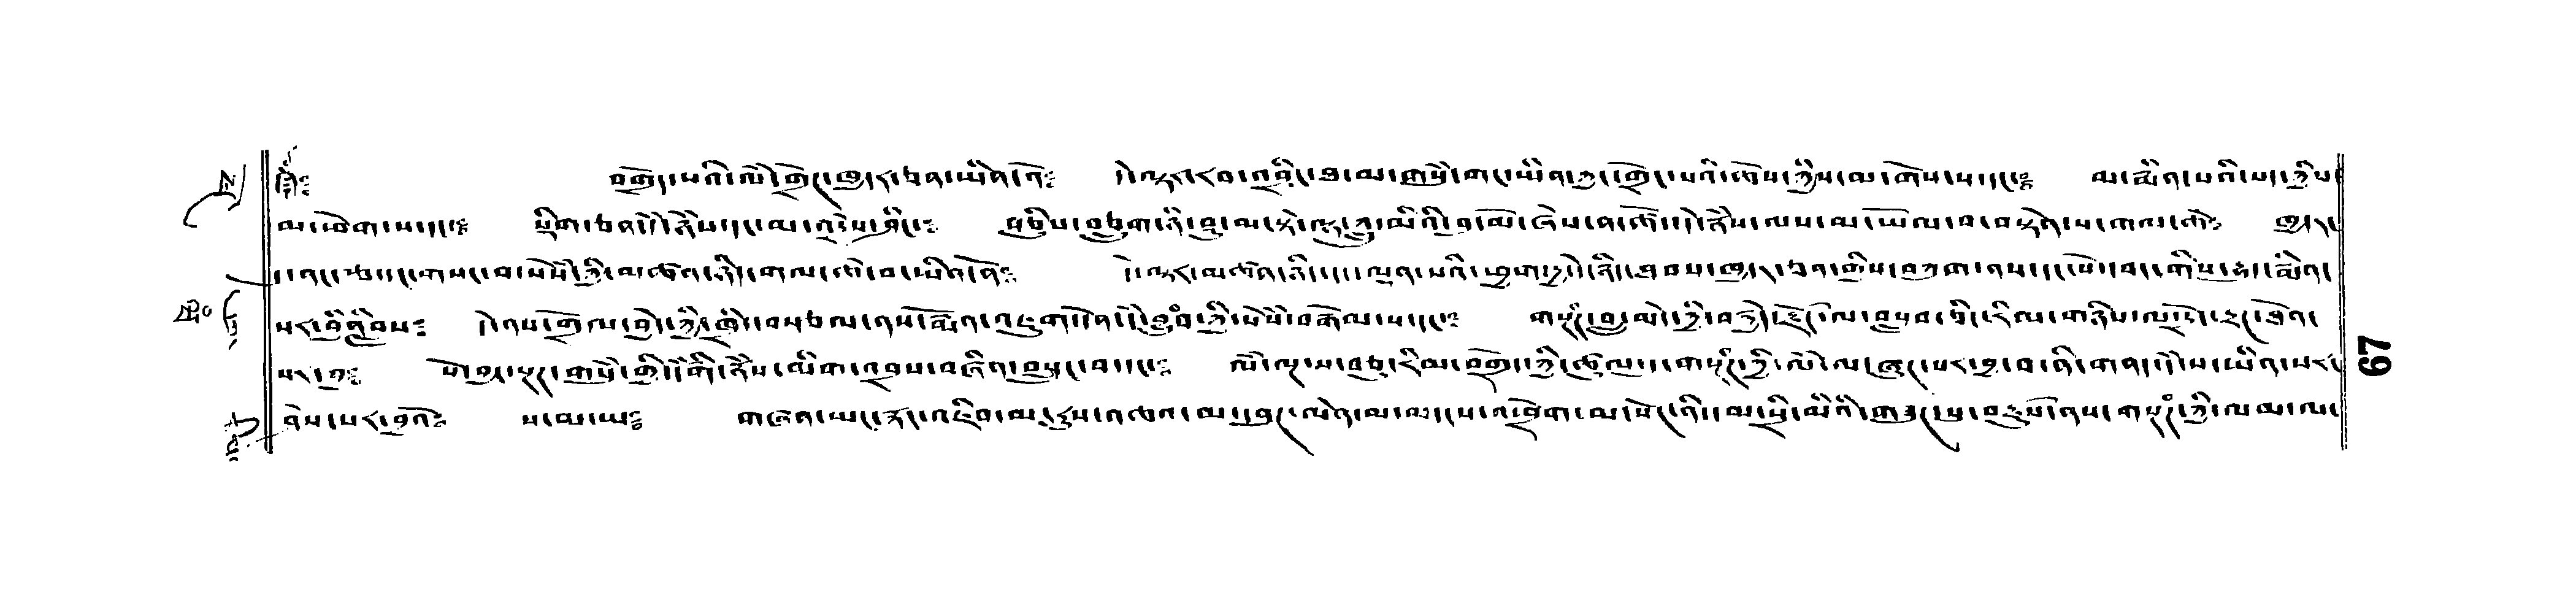བགྲོད་པའི་ལམ་གྲོགས་ཁྱད་པར་ཅན་ཡིན་ནོ༔ དེ་ལྟར་རབ་འབྲིང་ཐ་མ་གསུམ་གང་ཡིན་ཀྱང་གྲོང་པའི་ཆོས་ཀྱིས་མ་གོས་པ་དང༔ མ་སྨིན་པའི་སད་ཀྱིས་
མ་ཕོག་པ་དང༔ སྡིག་ཅན་དམ་ཉམས་དང་མ་འདྲེས་ཤིང༔ བཅུ་གཉིས་བཅུ་དྲུག་ཉི་ཤུ་མ་སྟེ་ལྷ་ཀླུ་མིའི་བུ་མོ་ཞེས་ན་ཚོད་དེ་རྣམས་ལས་མ་ཡོལ་བ་བསྟེན་པ་གལ་ཆེ༔ ཁྱད་པར་
དུ་ནང་རྩ་དང་གསང་བ་སེམས་ཀྱི་མཚན་ཉིད་གལ་ཆེ་བ་ཡིན་ནོ༔ དེ་ལྟར་མཚན་ཉིད་དང་ལྡན་པའི་ཕྱག་རྒྱ་དེ་ཉིད་ཐབས་ཁྱད་པར་ཅན་གྱིས་བཀུག་ནས་དང་པོ་དབང་གིས་རྒྱུད་སྨིན་
པར་བྱིན་གྱིས་བརླབས༔ དེ་ནས་གྲོལ་བྱེད་ཀྱི་ཁྲིད་བསྩལ་ནས་སྨོན་འཇུག་དོན་དམ་བྱང་ཆུབ་ཀྱི་སེམས་བསྒོམ་པ་དང༔ གསང་སྔགས་བླ་མེད་ཀྱི་བསྐྱེད་རྫོགས་ལ་བསླབ་ཅིང་རིམ་གཉིས་ལ་དྲོད་རྟགས་ཐོན་
པར་བྱ༔ སོ་བྱང་སྔགས་གསུམ་གྱི་དམ་ཚིག་རྣམས་མིག་འབྲས་བཞིན་བསྲུང་བ་དང༔ ལམ་ལྔ་ས་བཅུ་རིམ་བགྲོད་ཀྱི་ཚུལ་དུ་གསང་སྔགས་ཀྱི་ལམ་ལ་ཞུགས་པར་བྱ་བ་ནི་གནད་དམ་པ་ཡིན་པར་
ཤེས་པར་བྱའོ༔ ས་མ་ཡ༔ གཞན་ཡང་རྐང་འཇིབ་མ༔ རུས་འཆའ་མ༔ དབུགས་ལེན་མ༔ མདངས་འཕྲོག་མ་སོགས་ནི་དམ་སྲི་མིའི་གཟུགས་སུ་བརྫུས་ནས་གསང་སྔགས་ཀྱི་ལམ་ལ་